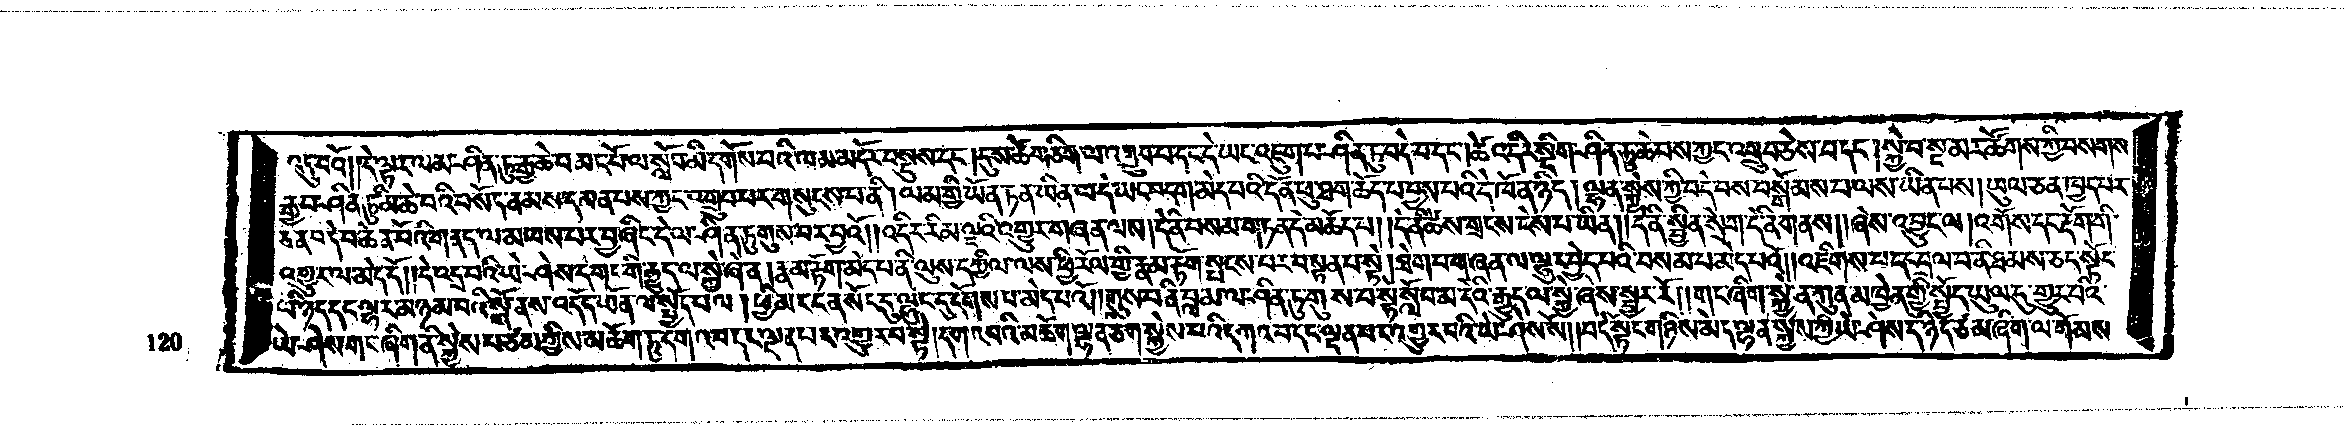འདུ་བའོ། །དེ་ལྟར་ལམ་ཤིན་ཏུ་རྒྱ་ཆེ་བ་མང་པོ་ལ་སློབ་མི་དགོས་པའི་ལམ་མདོར་བསྡུས་དང་། དུས་ཚེ་གཅིག་ལ་འགྲུབ་པ་དང་དེ་ཡང་འཇུག་པ་ཤིན་ཏུ་བདེ་བ་དང་། ཚེ་འདིར་སྡིག་ཤིན་ཏུ་ཆེ་བས་ཀྱང་འགྲུབ་ཅེས་པ་དང་། སྐྱེ་བ་སྔ་མར་ཚོགས་ཀྱི་བསགས་
རྒྱབ་ཤིན་ཏུ་མི་ཆེ་བའི་བསོད་ནམས་དམན་པས་ཀྱང་འགྲུབ་པར་གསུངས་པ་ནི། ལམ་གྱི་ཡོན་ཏན་ཡིན་ལ་དེ་ཡང་བདག་མེད་པའི་དོན་ཕུ་ཐག་ཆོད་པ་བྱས་པའི་དེ་ཁོ་ན་ཉིད། ལྷན་སྐྱེས་ཀྱི་བདེ་བས་བསྒོམས་པ་ལས་ཡིན་པས། ཡུལ་ཅན་ཁྱད་པར་
ཅན་བདེ་བ་ཆེན་པོའི་གནད་ལ་མཁས་པར་བྱ་ཞིང་དེ་ལ་ཤིན་ཏུ་གུས་པར་བྱའོ། །འདིར་རིམ་ལྔའི་འགྱུར་གཞན་ལས། དེ་ནི་བསམ་གཏན་དེ་མཆོད་པ། །དེ་ནི་ཚེས་གྲངས་ངེས་པ་ཡིན། །དེ་ནི་སྦྱིན་སྲེག་དེ་ནི་གནས། །ཞེས་འབྱུང་ལ། འགོས་དང་རྡོག་གི་
འགྱུར་ལ་མེད་དོ། །དེ་འདྲ་བའི་ཡེ་ཤེས་དེ་གང་གི་རྒྱུད་ལ་སྐྱེ་ཞེ་ན། རྣམ་རྟོག་མེད་པ་ནི་ལུས་དཀྱིལ་ལས་ཕྱི་རོལ་གྱི་རྣམ་རྟོག་སྤངས་པར་བསྟན་པ་སྟེ། ཐེག་པ་གཞན་ལ་ལྷུར་བྱེད་པའི་བསམ་པ་མེད་པའོ། །འཇིགས་པ་དང་བྲལ་བ་ནི་ཐམས་ཅད་སྟོང་
པ་ཉིད་དང་ལྷར་མཉམ་པའི་སྒོ་ནས་འདོད་ཡོན་ལ་སྤྱོད་པ་ལ། ཕྱི་མར་ངན་སོང་དུ་ལྷུང་དུ་དོགས་པ་མེད་པའོ། །གུས་པ་ནི་བླ་མ་ལ་ཤིན་ཏུ་གུས་པ་སྟེ་སློབ་མ་དེའི་རྒྱུད་ལ་སྐྱེ་ཞེས་སྦྱར་རོ། །གང་ཞིག་སྐྱེ་ན་ཀུན་མཁྱེན་གྱི་སྤྱོད་ཡུལ་དུ་གྱུར་པའི་
ཡེ་ཤེས་གང་ཞིག་ནི་སྐྱེས་པ་ཙམ་གྱིས་མཆོག་ཏུ་དགའ་བ་དང་ལྡན་པར་འགྱུར་བ་སྟེ། དགའ་བའི་མཆོག་ལྷན་ཅིག་སྐྱེས་པའི་དགའ་བ་དང་ལྡན་པར་འགྱུར་བའི་ཡེ་ཤེས་སོ། །བདེ་སྟོང་གཉིས་མེད་ལྷན་སྐྱེས་ཀྱི་ཡེ་ཤེས་དེ་ཉིད་ཙམ་ཞིག་ལ་གོམས་